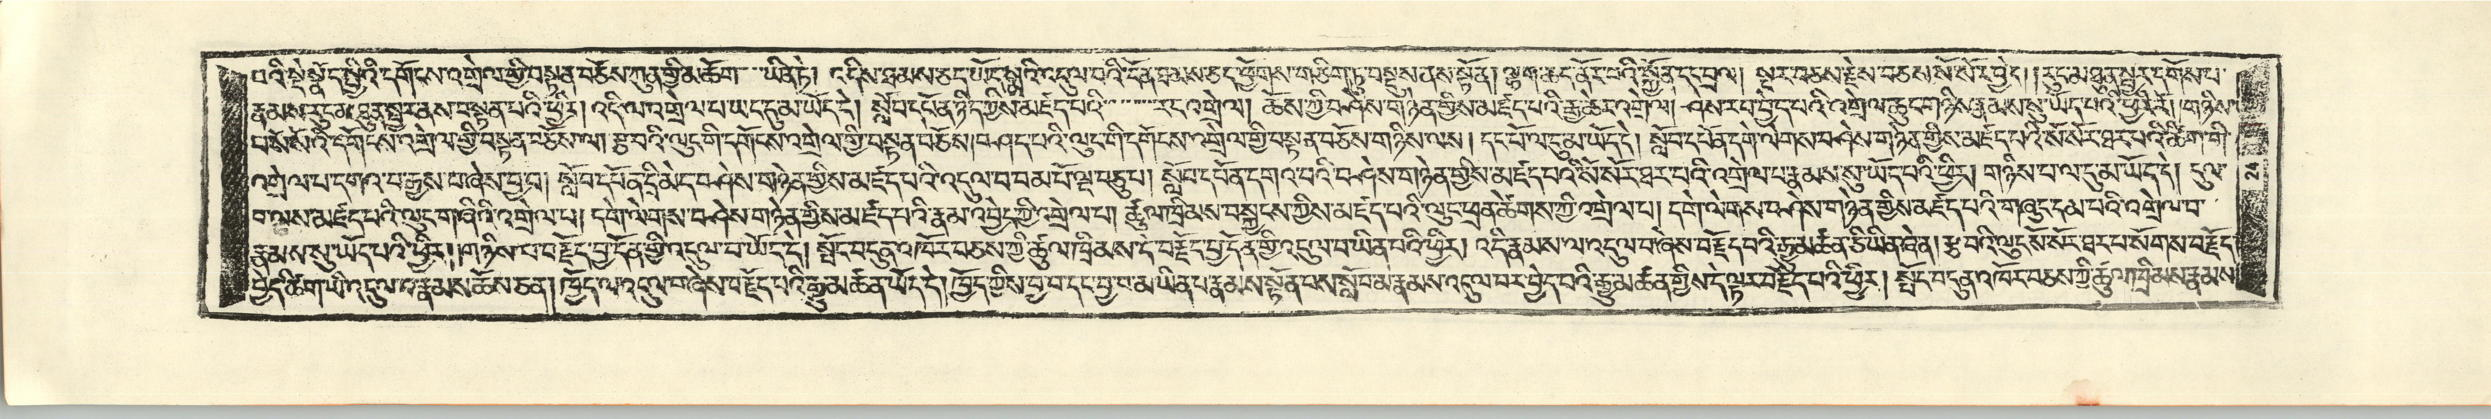བའི་སྡེ་སྣོད་སྤྱིའི་དགོངས་འགྲེལ་གྱི་བསྟན་བཅོས་ཀུན་གྱི་མཆོག་ཡིན་ཏེ། འདིས་ཐམས་ཅད་ཡོད་སྨྲའི་འདུལ་བའི་དོན་ཐམས་ཅད་ཕྱོགས་གཅིག་ཏུ་བསྡུས་ནས་སྟོན། ལྷག་ཆད་ནོར་བའི་སྐྱོན་དང་བྲལ། སྔར་བཅས་རྗེས་བཅས་སོ་སོར་བྱེད། །རུང་མཐུན་སྦྱར་དགོས་པ་
རྣམས་རུང་མཐུན་སྦྱར་ནས་བསྟན་པའི་ཕྱིར། འདི་ལ་འགྲེལ་པ་ཡང་དུ་མ་ཡོད་དེ། སློབ་དཔོན་ཉིད་ཀྱིས་མཛད་པའི་རང་འགྲེལ། ཆོས་ཀྱི་བཤེས་གཉེན་གྱིས་མཛད་པའི་རྒྱ་ཆེར་འགྲེལ། ཤེས་རབ་བྱེད་པའི་འགྲེལ་ཆུང་གཉིས་རྣམས་སུ་ཡོད་པའི་ཕྱིར་རོ། །གཉིས་
པ་སོ་སོའི་དགོངས་འགྲེལ་གྱི་བསྟན་བཅོས་ལ། རྩ་བའི་ལུང་གི་དགོངས་འགྲེལ་གྱི་བསྟན་བཅོས། བཤད་པའི་ལུང་གི་དགོངས་འགྲེལ་གྱི་བསྟན་བཅོས་གཉིས་ལས། དང་པོ་ལ་དུ་མ་ཡོད་དེ། སློབ་དཔོན་དགེ་ལེགས་བཤེས་གཉེན་གྱིས་མཛད་པའི་སོ་སོར་ཐར་པའི་ཚིག་གི་
འགྲེལ་པ་དགའ་བ་རྒྱས་པ་ཞེས་བྱ་བ། སློབ་དཔོན་དྲི་མེད་བཤེས་གཉེན་གྱིས་མཛད་པའི་འདུལ་བ་བམ་པོ་ལྔ་བཅུ་པ། སློབ་དཔོན་དགའ་བའི་བཤེས་གཉེན་གྱིས་མཛད་པའི་སོ་སོར་ཐར་པའི་འགྲེལ་པ་རྣམས་སུ་ཡོད་པའི་ཕྱིར། གཉིས་པ་ལ་དུ་མ་ཡོད་དེ། དུལ་
བ་ལྷས་མཛད་པའི་ལུང་གཞིའི་འགྲེལ་པ། དགེ་ལེགས་བཤེས་གཉེན་གྱིས་མཛད་པའི་རྣམ་འབྱེད་ཀྱི་འགྲེལ་པ། ཚུལ་ཁྲིམས་བསྐྱངས་ཀྱིས་མཛད་པའི་ལུང་ཕྲན་ཚེགས་ཀྱི་འགྲེལ་པ། དགེ་ལེགས་བཤེས་གཉེན་གྱིས་མཛད་པའི་གཞུང་དམ་པའི་འགྲེལ་བ་
རྣམས་སུ་ཡོད་པའི་ཕྱིར། །གཉིས་པ་བརྗོད་བྱ་དོན་གྱི་འདུལ་བ་ཡོད་དེ། སྤོང་བདུན་འཁོར་བཅས་ཀྱི་ཚུལ་ཁྲིམས་དེ་བརྗོད་བྱ་དོན་གྱི་འདུལ་བ་ཡིན་པའི་ཕྱིར། འདི་རྣམས་ལ་འདུལ་བ་ཞེས་བརྗོད་པའི་རྒྱུ་མཚན་ཅི་ཡིན་ཞེ་ན། རྩ་བའི་ལུང་སོ་སོར་ཐར་པ་སོགས་བརྗོད་
བྱེད་ཚིག་ཡི་འདུལ་བ་རྣམས་ཆོས་ཅན། ཁྱོད་ལ་འདུལ་བ་ཞེས་བརྗོད་པའི་རྒྱུ་མཚན་ཡོད་དེ། ཁྱོད་ཀྱིས་བྱ་བ་དང་བྱ་བ་མ་ཡིན་པ་རྣམས་སྟོན་པས་སློབ་མ་རྣམས་འདུལ་བར་བྱེད་པའི་རྒྱུ་མཚན་གྱིས་དེ་ལྟར་བརྗོད་པའི་ཕྱིར། སྤོང་བདུན་འཁོར་བཅས་ཀྱི་ཚུལ་ཁྲིམས་རྣམས་